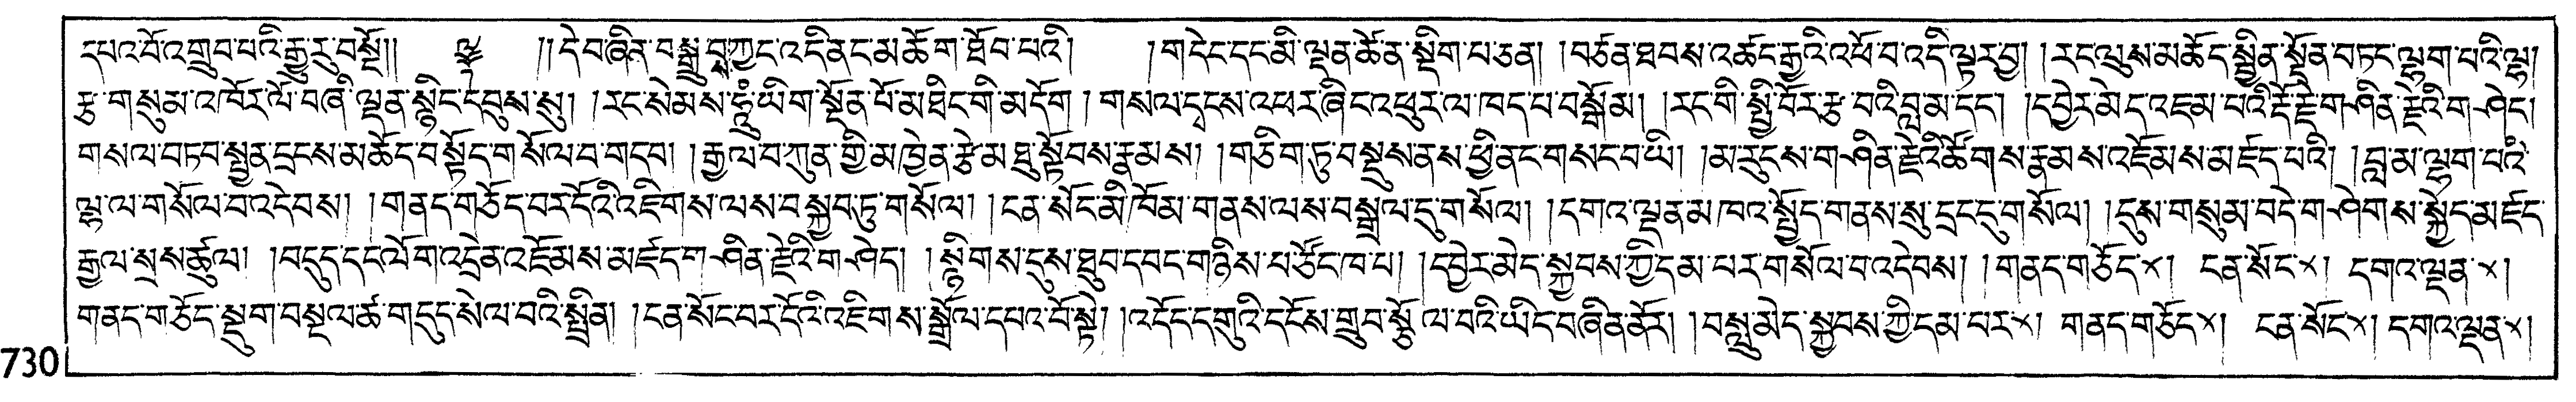དཔའ་བོ་འགྲུབ་པའི་རྒྱུ་རུ་བསྔོ།། ༈ །།དེ་བཞིན་བསྒྲུབས་ཀྱང་འདི་ནང་མཆོག་ཐོབ་པའི། །གདེང་དང་མི་ལྡན་ཚེ་ན་སྡིག་པ་ཅན། །བཙན་ཐབས་འཚང་རྒྱའི་འཕོ་བ་འདི་ལྟར་བྱ། །རང་ལུས་མཆོད་སྦྱིན་སྔོན་བཏང་ལྷག་པའི་ལྷ།
རྩ་གསུམ་འཁོར་ལོ་བཞི་ལྡན་སྙིང་དབུས་སུ། །རང་སེམས་ཧཱུཾ་ཡིག་སྔོན་པོ་མཐིང་གི་མདོག །གསལ་དྭངས་འཕར་ཞིང་འཕུར་ལ་ཁད་པ་བསྒོམ། །རང་གི་སྤྱི་བོར་རྩ་བའི་བླ་མ་དང་། །དབྱེར་མེད་འཇམ་པའི་རྡོ་རྗེ་གཤིན་རྗེའི་གཤེད།
གསལ་བཏབ་སྤྱན་དྲངས་མཆོད་བསྟོད་གསོལ་བ་གདབ། །རྒྱལ་བ་ཀུན་གྱི་མཁྱེན་རྩེ་མཐུ་སྟོབས་རྣམས། །གཅིག་ཏུ་བསྡུས་ནས་ཕྱི་ནང་གསང་བ་ཡི། །མ་རུངས་གཤིན་རྗེའི་ཚོགས་རྣམས་འཇོམས་མཛད་པའི། །བླ་མ་ལྷག་པའི་
ལྷ་ལ་གསོལ་བ་འདེབས། །གནད་གཅོད་བར་དོའི་འཇིགས་ལས་བསྐྱབ་ཏུ་གསོལ། །ངན་སོང་མི་ཁོམ་གནས་ལས་བསྒྲལ་དུ་གསོལ། །དགའ་ལྡན་མཁའ་སྤྱོད་གནས་སུ་དྲང་དུ་གསོལ། །དུས་གསུམ་བདེ་གཤེགས་སྐྱེད་མཛད་
རྒྱལ་སྲས་ཚུལ། །བདུད་དང་ལོག་འདྲེན་འཇོམས་མཛད་གཤིན་རྗེའི་གཤེད། །སྙིགས་དུས་ཐུབ་དབང་གཉིས་པ་ཙོང་ཁ་པ། །དབྱེར་མེད་སྐྱབས་ཀྱི་དམ་པར་གསོལ་བ་འདེབས། །གནད་གཅོད་྾། ངན་སོང་྾། དགའ་ལྡན་྾།
གནད་གཅོད་སྡུག་བསྔལ་ཚ་གདུད་སེལ་བའི་སྤྲིན། །ངན་སོང་བར་དོའི་འཇིགས་སྒྲོལ་དཔའ་བོ་སྟེ། །འདོད་དགུའི་དངོས་གྲུབ་སྩོལ་བའི་ཡིད་བཞིན་ནོར། །བསླུ་མེད་སྐྱབས་ཀྱི་དམ་པར་྾། གནད་གཅོད་྾། ངན་སོང་྾། དགའ་ལྡན་྾།